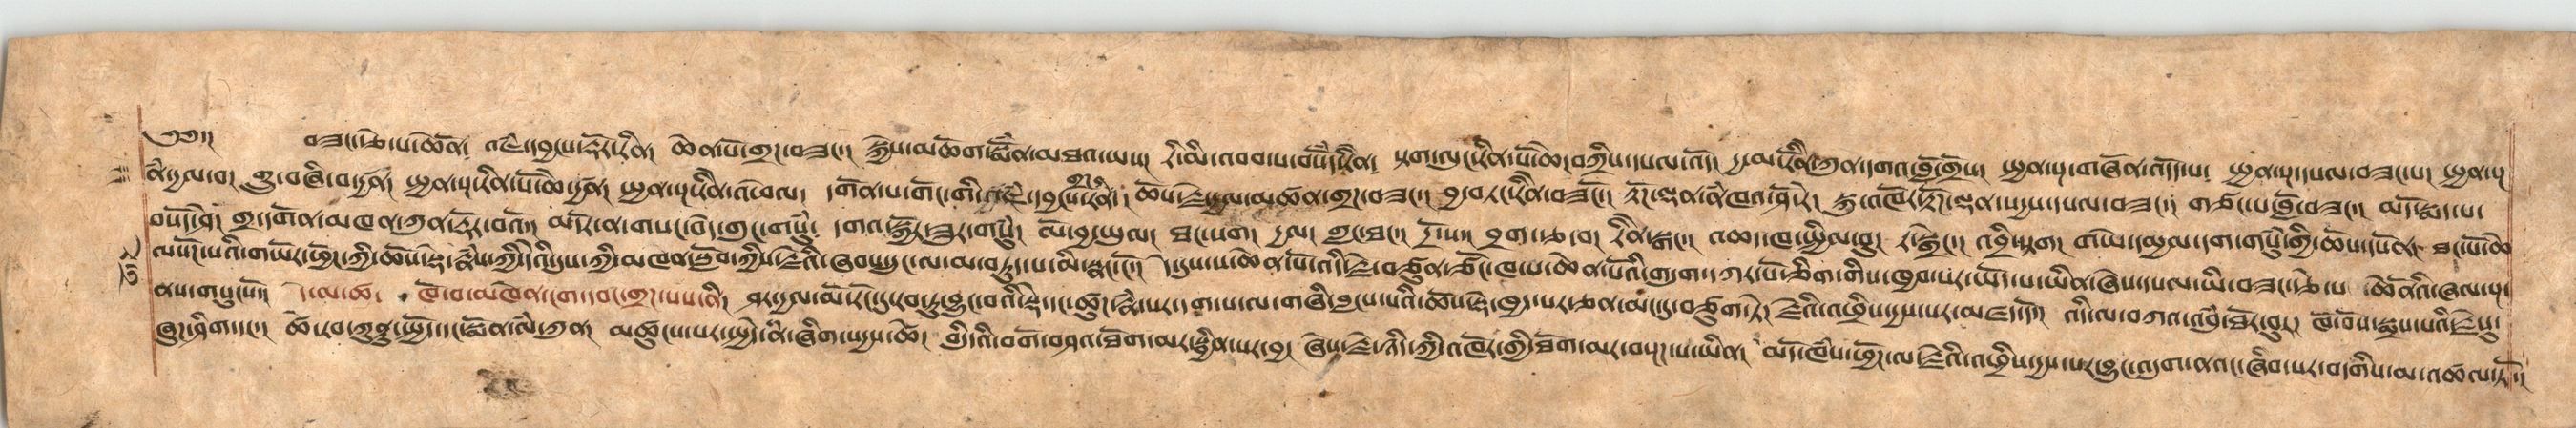༄༅་། བཟང་རྩེ་པ་ཆེནོ༴ འཇཾ་དབྱངས་རྡོར་རིན། ཆེན་པོ་གྲཌ་བཟང་། སྐྱེས་མཆོག་སྨོཾན་མཐའ་ཡས། རི་མི་འབབ་པ་བསོཾད་རིནེ༴ སྟག་ལུང་རིན་པོ་ཆེ།བཀྲིས་དཔལ་འོད། དྱ་མ་རིནོ་ེ་ཀུན་དགའ་བློ་གྲོས། སྤྱན་སྔ་གཞོན་འོདད་པ༴ སྤྱན་སྔ་དཔལ་བཟང་པ། སྤྱན་སྔ་
ནཾ་དྱལ་བ། གྲུ་བཞི་བ་དྱཚན། སྤྱན་སྔ་རིན་པོ་ཆེ་དྱཚན། སྤྱན་སྔ་རིནེ་འཕེལ། དགོན་པ་གོང་གི་འཇཾ་དབྱངས་རིནེ། ཆོས་རྗེ་དྱལ་མཚན་གྲཌ་བཟང་། རྟོཌ་ལྡན་ནཾཁའ་ཤོ་རེ། སྐུ་འཁོར་རྟོཌ་ལྡན་སདྱས་དཔལ་བཟང་། གཙང་པ་བློ་བཟང་། མདོ་སྨད་པ་
བསོད་ཤེ། གྲ་དགོན་མཁན་ཀུན་རྡོར་བའོ་། མདོར་ན་གསང་བདེ་གུང་གསུཾ༴ དགའ་སྐྱོར་ཟུར་གསུཾ། ལོ་བྱ་ཡུལ་ ཐང་སག། དྱལ། གླང་ཐང་། དྲོ་ས་། བྲག་རྩ་བ། རིནེ་སྒང་། འཆད་ཁ་སྤྱིལ་བུ། ར་སྒྲེང་། འབྲི་སྟག། གཡེ་དམྱལ་དག་གསུཾ་གྱི་ཆོས་དཔོན། ཐང་པོ་ཆེ་
ལསོཌ་པའི་གཡོར་ཕྱོཌ་ཀྱི་ཆོས་སྡེ་རྣཾས་ཀྱི་དེའི་དུས་ཀྱི་མཁན་སློབ་ཀྱིས་རྗེའི་ཞབས་དྲུང་མ་བཏུད་པ་མི་སྣང་ངོ་། དེ་དུས་ས་ཆེན་པོ་འདི་རྗེ་བཙུན་ཙོང་ཁ་པ་ཆེན་པོའི་གདུག་དཀར་པོ་ཅིག་གིས་ཁྱབ་པར་ཡོད་པ་ཡིན་ཞེས་དཔལ་ཡི་བཟང་རྩེ་པ་ ཆེནོའི་ཞལ་སྔ་
ནས་གསུངསོ་། དེ་མ་ཚ་ ཁོ་བ་མཁེན་ངག་དབང་གྲཌ་པས་ནི། ཤར་དྱལ་མོ་རོང་དུ་རབ་་ཏུ་བྱུང་བའི་སྡེ་དང་ཚུཌ་རྣཾ་པར་དག་པ་ལ་གཞི་བླངས་པའི་ཆོས་སྡེ་ཁྱད་པར་ཅན་མང་དུ་བཙུག་ཏེ། རྗེའི་འཕྲིས་སདྱས་པར་མཛད་དོ། འདི་ལ་བཀའ་འབུཾ་ཐོར་བུར། ཁོ་བོས་སྨྲས་པའི་རྗེསུ་
ཞུཌ་ཤིག་དང་། ཚེ་རབ་ཀུནྟུ་སྤྱོད་དང་སྨོན་ལཾ་ཀུན། མཚུངས་པར་སྤྱེད་ནཾ་ཞིག་སདྱས་ཚེ། བདུདིའི་བགོ་བཤའ་ཐོག་མར་སྦྱིན་པར་བྱ། ཞེས་རྗེ་ཉིད་ཀྱི་འཁོར་གྱི་ཐོག་མར་བསྔཌ་པ་ཡིན། མདོ་ཁཾས་ཕྱོཌ་ལ་རྗེའི་འཕྲིས་དྱས་པར་བྱུང་འདུག་ནའང་ཞིབ་པར་བདགིས་མ་འཚལ་ཏོ་།